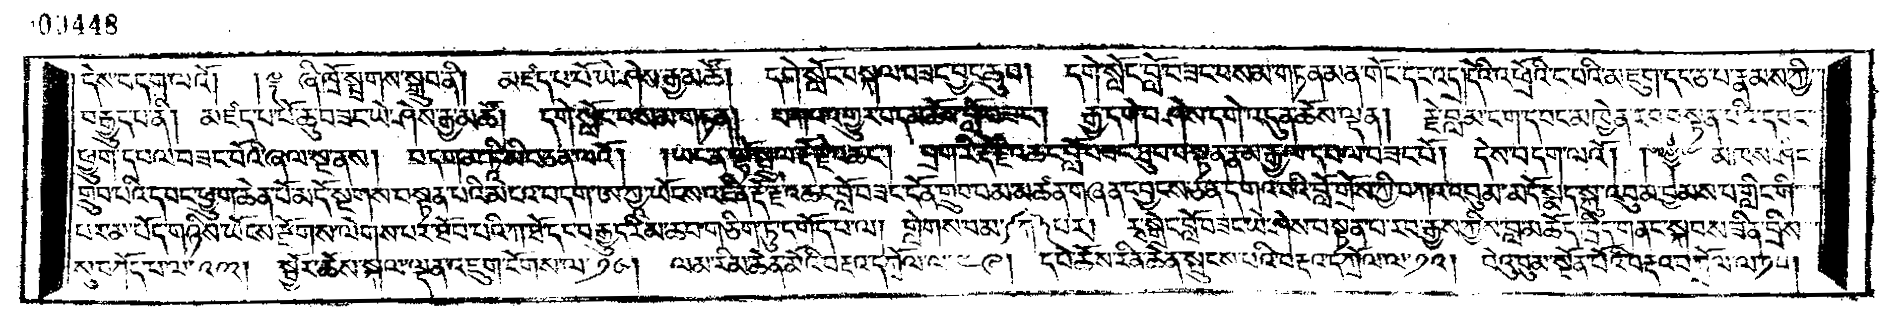དེས་བདག་ལའོ། །༈ ཞི་ཁྲོ་སྤྲགས་སྒྲུབ་ནི། མཛད་པ་པོ་ཡེ་ཤེས་རྒྱ་མཚོ། དགེ་སློང་བསྐལ་བཟང་བྱང་ཆུབ། དགེ་སློང་བློ་བཟང་བསམ་གཏན་མན་གོང་དང་འདྲ། དེའི་འཕྲོའི་ང་པའི་མཇུག་དང་ཅྀ་པ་རྣམས་ཀྱི་
བརྒྱུད་པ་ནི། མཛད་པ་པོ་ཆུ་བཟང་ཡེ་ཤེས་རྒྱ་མཚོ། དགེ་སློང་བསམ་གཏན། བཀའ་གྱུར་བ་དམ་ཆོས་བློ་བཟང་། རྒྱ་དགེ་བཤེས་དགེ་འདུན་ཆོས་ལྡན། ཡེ་བླ་མ་ངག་དབང་མཁྱེན་རབ་བསྟན་པའི་དབང་
ཕྱུག་དཔལ་བཟང་པོའི་ཞལ་སྔ་ནས། བདག་མ་ཏཱི་མིང་ཅན་ལའོ། །ཡང་ན་ལྷོ་སྤྲུལ་རྡོ་རྗེ་འཆང་། བྲག་རི་རྡོ་རྗེ་འཆང་བློ་བཟང་ཐུབ་བསྟན་རྣམ་རྒྱལ་དཔལ་བཟང་པོ། དེས་བདག་ལའོ། །༈ མཁས་ཤིང་
གྲུབ་པའི་དབང་ཕྱུག་ཆེན་པོ་མདོ་སྔགས་བསྟན་པའི་མངའ་བདག་ཨ་ཀྱཱ་ཡོངས་འཛིན་རྡོ་རྗེ་འཆང་བློ་བཟང་དོན་གྲུབ་བམ་མཚན་གཞན་དབྱངས་ཅན་དགའ་བའི་བློ་གྲོས་ཀྱི་བཀའ་བུམ་མདོ་སྨད་སྐུ་འབུམ་བྱམས་པ་གླིང་གི་
པར་མ་པོད་གཉིས་ཡོངས་རྫོགས་ལེགས་པར་ཐོབ་པའི་ཀ་ཐོ་དང་བརྒྱུད་རིམ་ཆབ་གཅིག་ཏུ་དགོད་པ་ལ། གླེགས་བམ ༼ཀ༽ པར། རྭ་སྒྲེང་བློ་བཟང་ཡེ་ཤེས་བསྟན་པ་རབ་རྒྱས་ཀྱིས་བླ་མཆོད་ཁྲིད་གནང་སྐབས་ཟིན་བྲིས་
སུ་བཀོད་པ་ལ༢༣། སྦྱོར་ཆོས་སྐལ་ལྡན་འཇུག་ངོགས་ལ ༡༦། ལམ་རིམ་ཆེན་མོའི་བརྡའི་དཀྲོལ་ལ ༤༩། དཔེ་ཆོས་རིན་ཆེན་སྤུངས་པའི་བརྡའ་དཀྲོལ་ལ༡༢། བེའུ་བུམ་སྔོན་པོའི་བརྡའ་བཀྲོལ་ལ ༡༥།